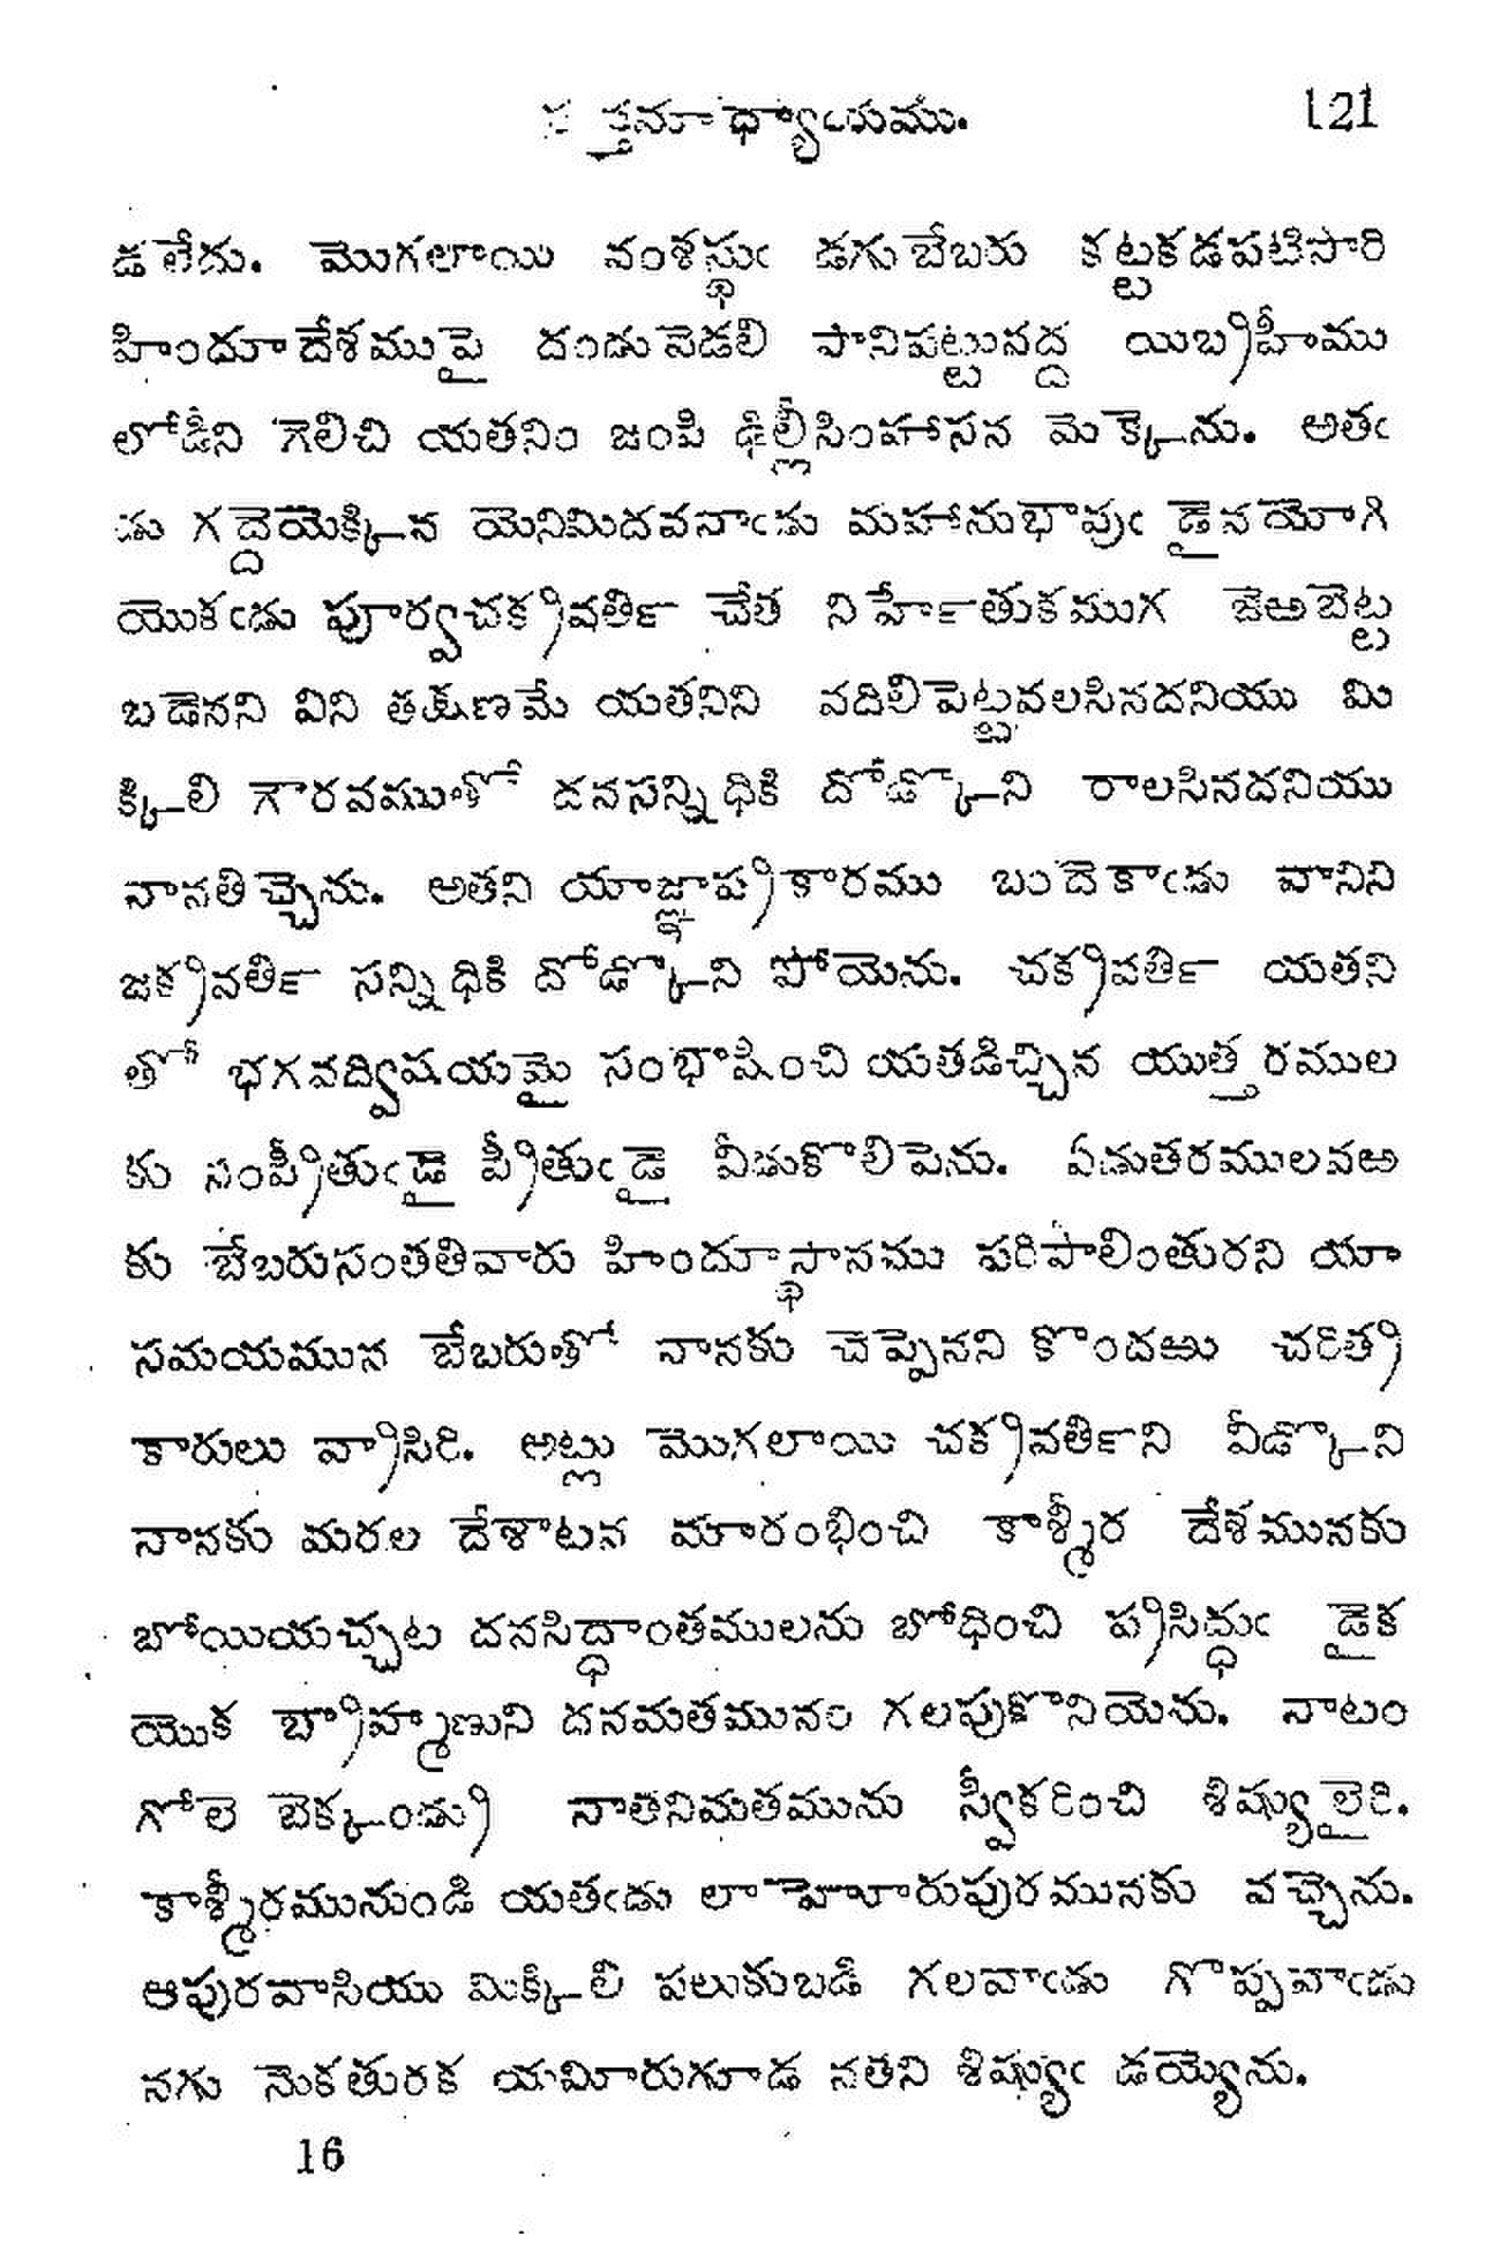డలేదు. మొగలాయి వంశస్థు డగుబేబరు కట్టకడపటిసారి హిందూదేశముపై దండువెడలి పానిపట్టువద్ద యిబ్రహీము లోడీని గెలిచి యతనిం జంపి డిల్లీసింహాసన మెక్కెను. అతడు గద్దెయెక్కిన యెనిమిదవనాడు మహానుభావు డైనయోగి యొకడు పూర్వచక్రవతిన్ చేత నిహేన్‌తుకముగ జెఱబెట్ట బడెనని విని తక్షణమే యతనిని వదిలిపెట్టవలసినదనియు మిక్కిలి గౌరవముతో దనసన్నిధికి దోడ్కొని రావలసినదనియు నానతిచ్చెను. అతని యాజ్ఞాప్రకారము బందెకాడు వానిని జక్రవతిన్ సన్నిధికి దోడ్కొని పోయెను. చక్రవతిన్ యతనితో భగవద్విషయమై సంభాషించి యతడిచ్చిన యుత్తరములకు సంప్రీతుడై ప్రీతుడై వీడుకొలిపెను. ఏడుతరములవఱకు బేబరుసంతతివారు హిందూస్థానము పరిపాలింతురని యాసమయమున బేబరుతో నానకు చెప్పెనని కొందఱు చరిత్రకారులు వ్రాసిరి. అట్లు మొగలాయి చక్రవతిన్‌ని వీడ్కొని నానకు మరల దేశాటన మారంభించి కాశ్మీర దేశమునకు బోయియచ్చట దనసిద్ధాంతములను బోధించి ప్రసిద్ధు డైక యొక బ్రాహ్మణుని దనమతమునం గలపుకొనియెను. నాటం గోలె బెక్కండ్రు నాతని మతమును స్వీకరించి శిష్యులైరి. కాశ్మీరమునుండి యతడు లాహోరుపురమునకు వచ్చెను. ఆపురవాసియు మిక్కిలి పలుకుబడి గలవాడు గొప్పవాడునగు నొకతురక యమీరుగూడ నతని శిష్యు డయ్యెను.